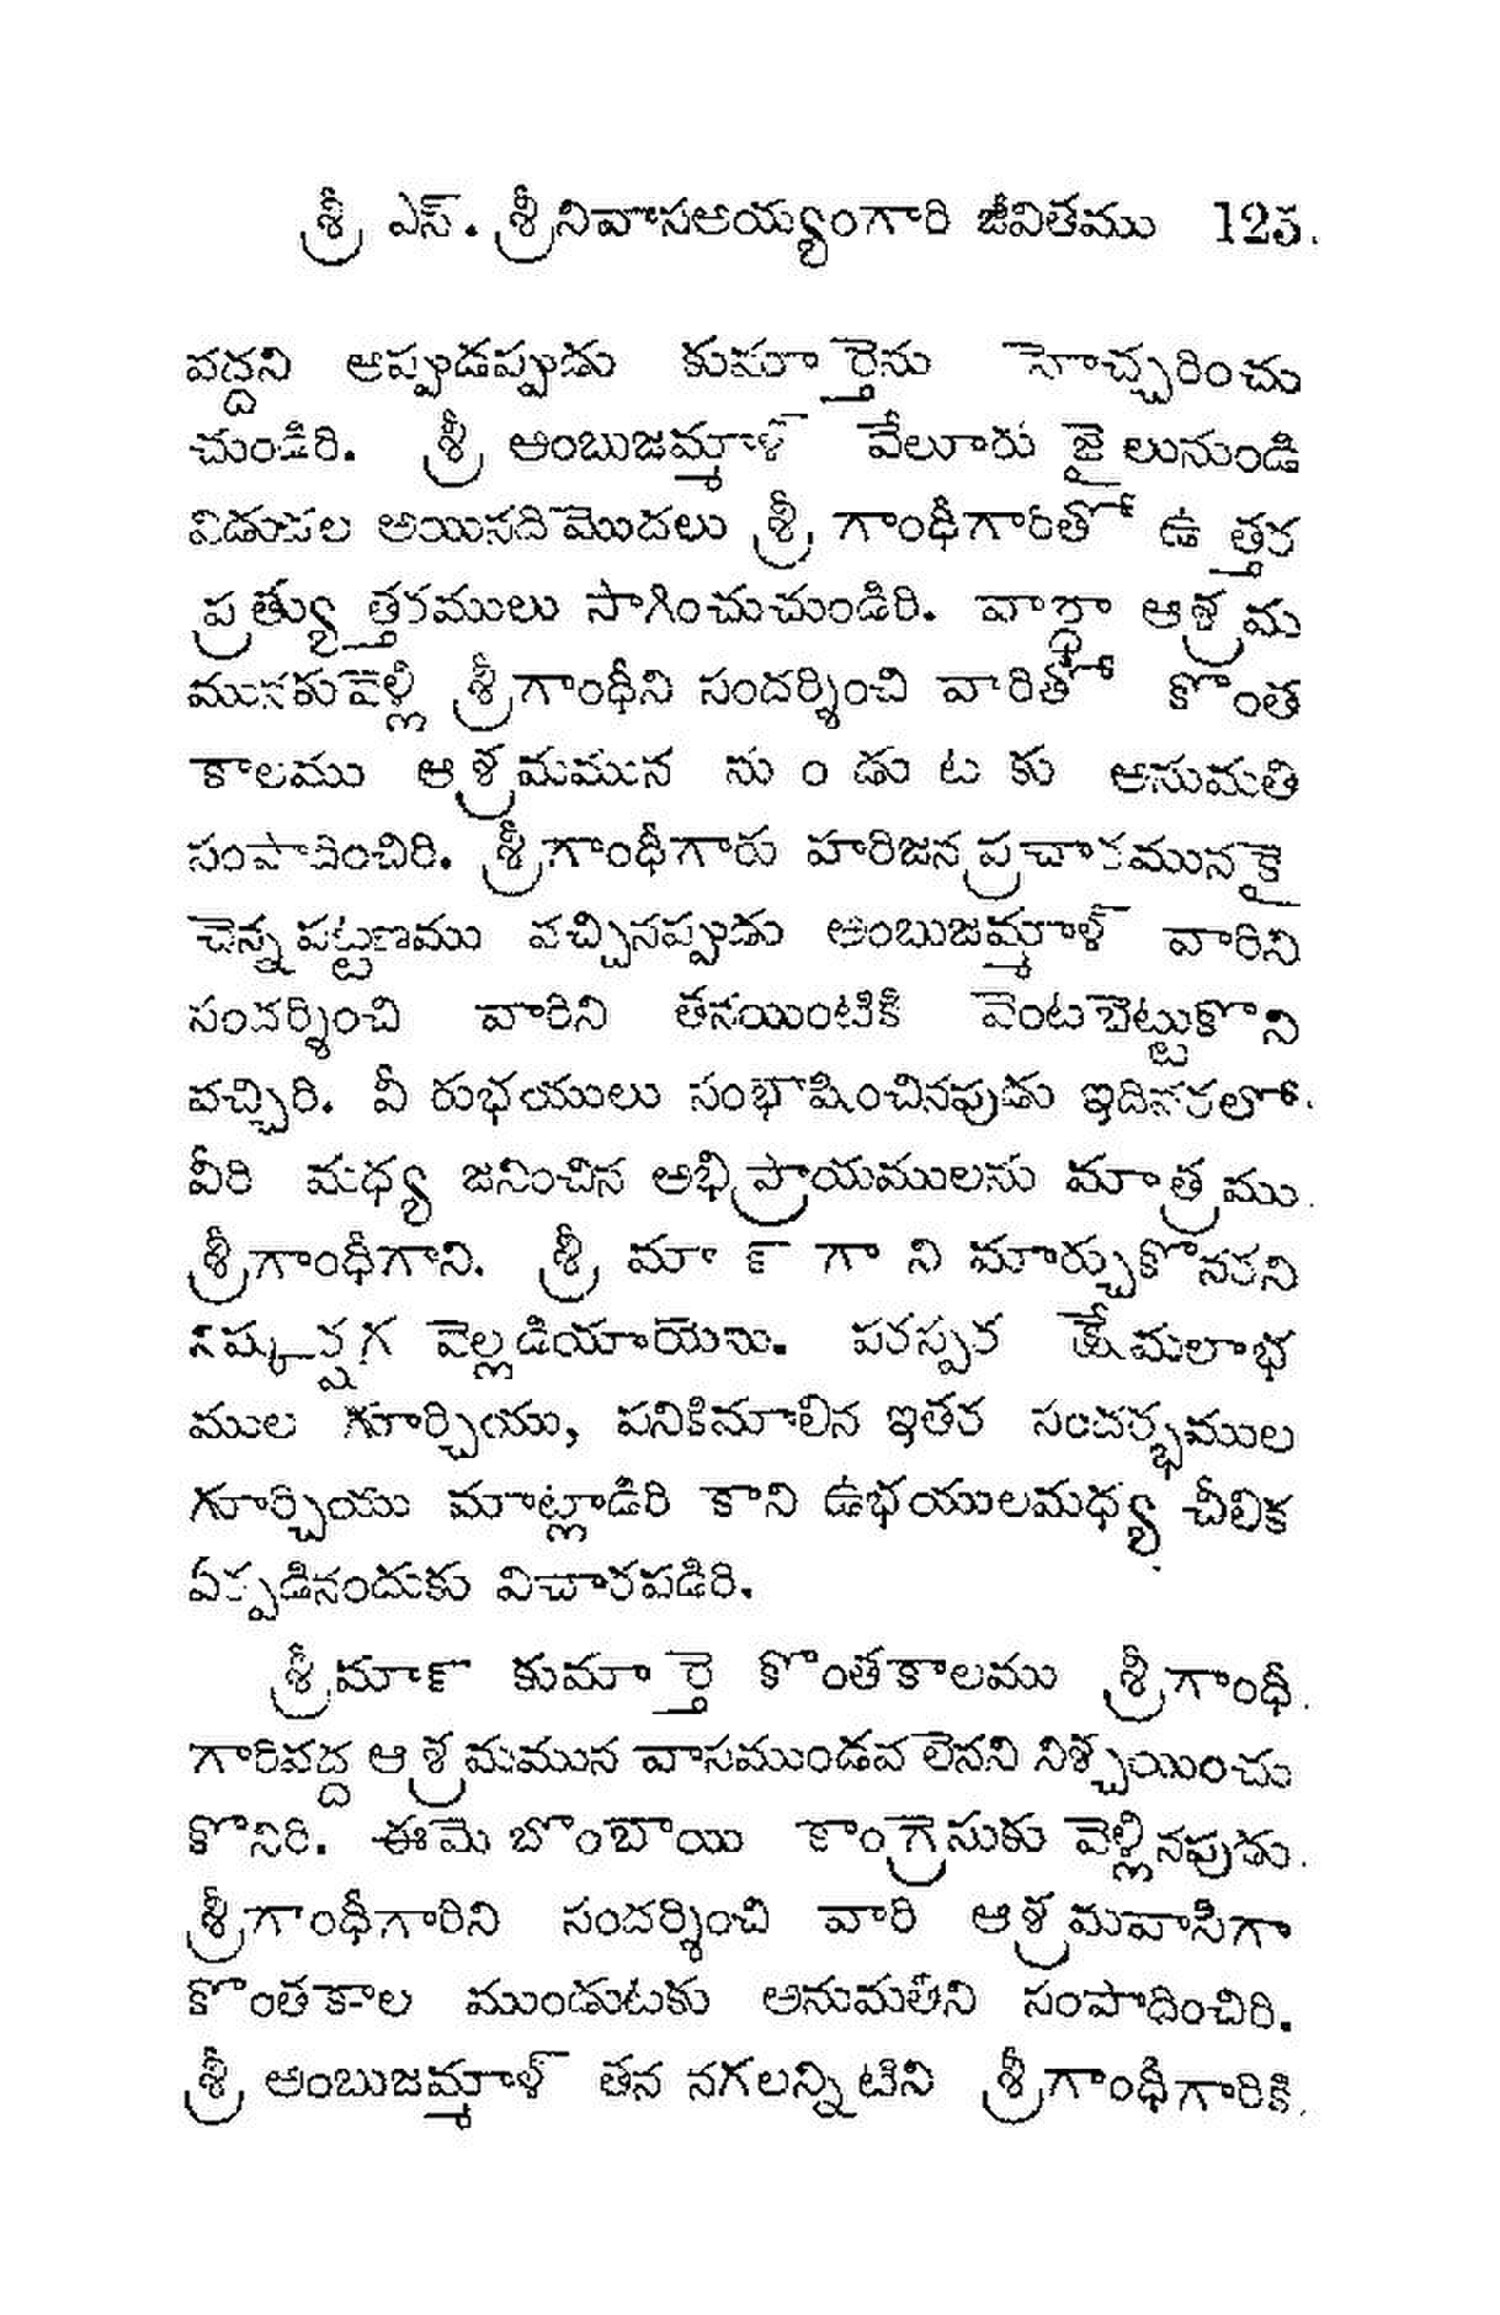వద్దని ఆప్పుడప్పుడు కుమార్తెను హెచ్చరించు చుండిరి. శ్రీ అంబుజమ్మాళ్ వేలూరు జైలునుండి విడుదల అయినదిమొదలు శ్రీగాంధీగారితో ఉత్తర ప్రత్యుత్తరములు సాగించుచుండిరి. వార్ధా ఆశ్రమమునకువెళ్లి శ్రీగాంధీని సందర్శించి వారితో కొంతకాలము ఆశ్రమమున నుండుటకు అనుమతి సంపాదించిరి. శ్రీగాంధీగారు హరిజన ప్రచారమునకై చెన్నపట్టణము వచ్చినప్పుడు అంబుజమ్మాళ్ వారిని సందర్శించి వారిని తసయింటికి వెంటబెట్టుకొని వచ్చిరి. వీ రుభయులు సంభాషించినపుడు ఇదివరలో, వీరి మధ్య జనించిన అభిప్రాయములను మాత్రము శ్రీగాంధీగాని. శ్రీమా౯ గాని మార్చుకొనరని నిష్కర్షగ వెల్లడియాయెను. పరస్పర క్షేమలాభముల గూర్చియు, పనికిమాలిన ఇతర సందర్భముల గూర్చియు మాట్లాడిరి కాని ఉభయులమధ్య చీలిక ఏర్పడినందుకు విచారపడిరి.

శ్రీమా౯ కుమార్తె కొంతకాలము శ్రీగాంధీగారివద్ద ఆశ్రమమున వాసముండవలెనని నిశ్చయించుకొనిరి. ఈమె బొంబాయి కాంగ్రెసుకు వెళ్లినపుడు శ్రీగాంధీగారిని సందర్శించి వారి ఆశ్రమవాసిగా కొంతకాల ముండుటకు అనుమతిని సంపాదించిరి. శ్రీ అంబుజమ్మాళ్ తన నగలన్నిటిని శ్రీగాంధీగారికి